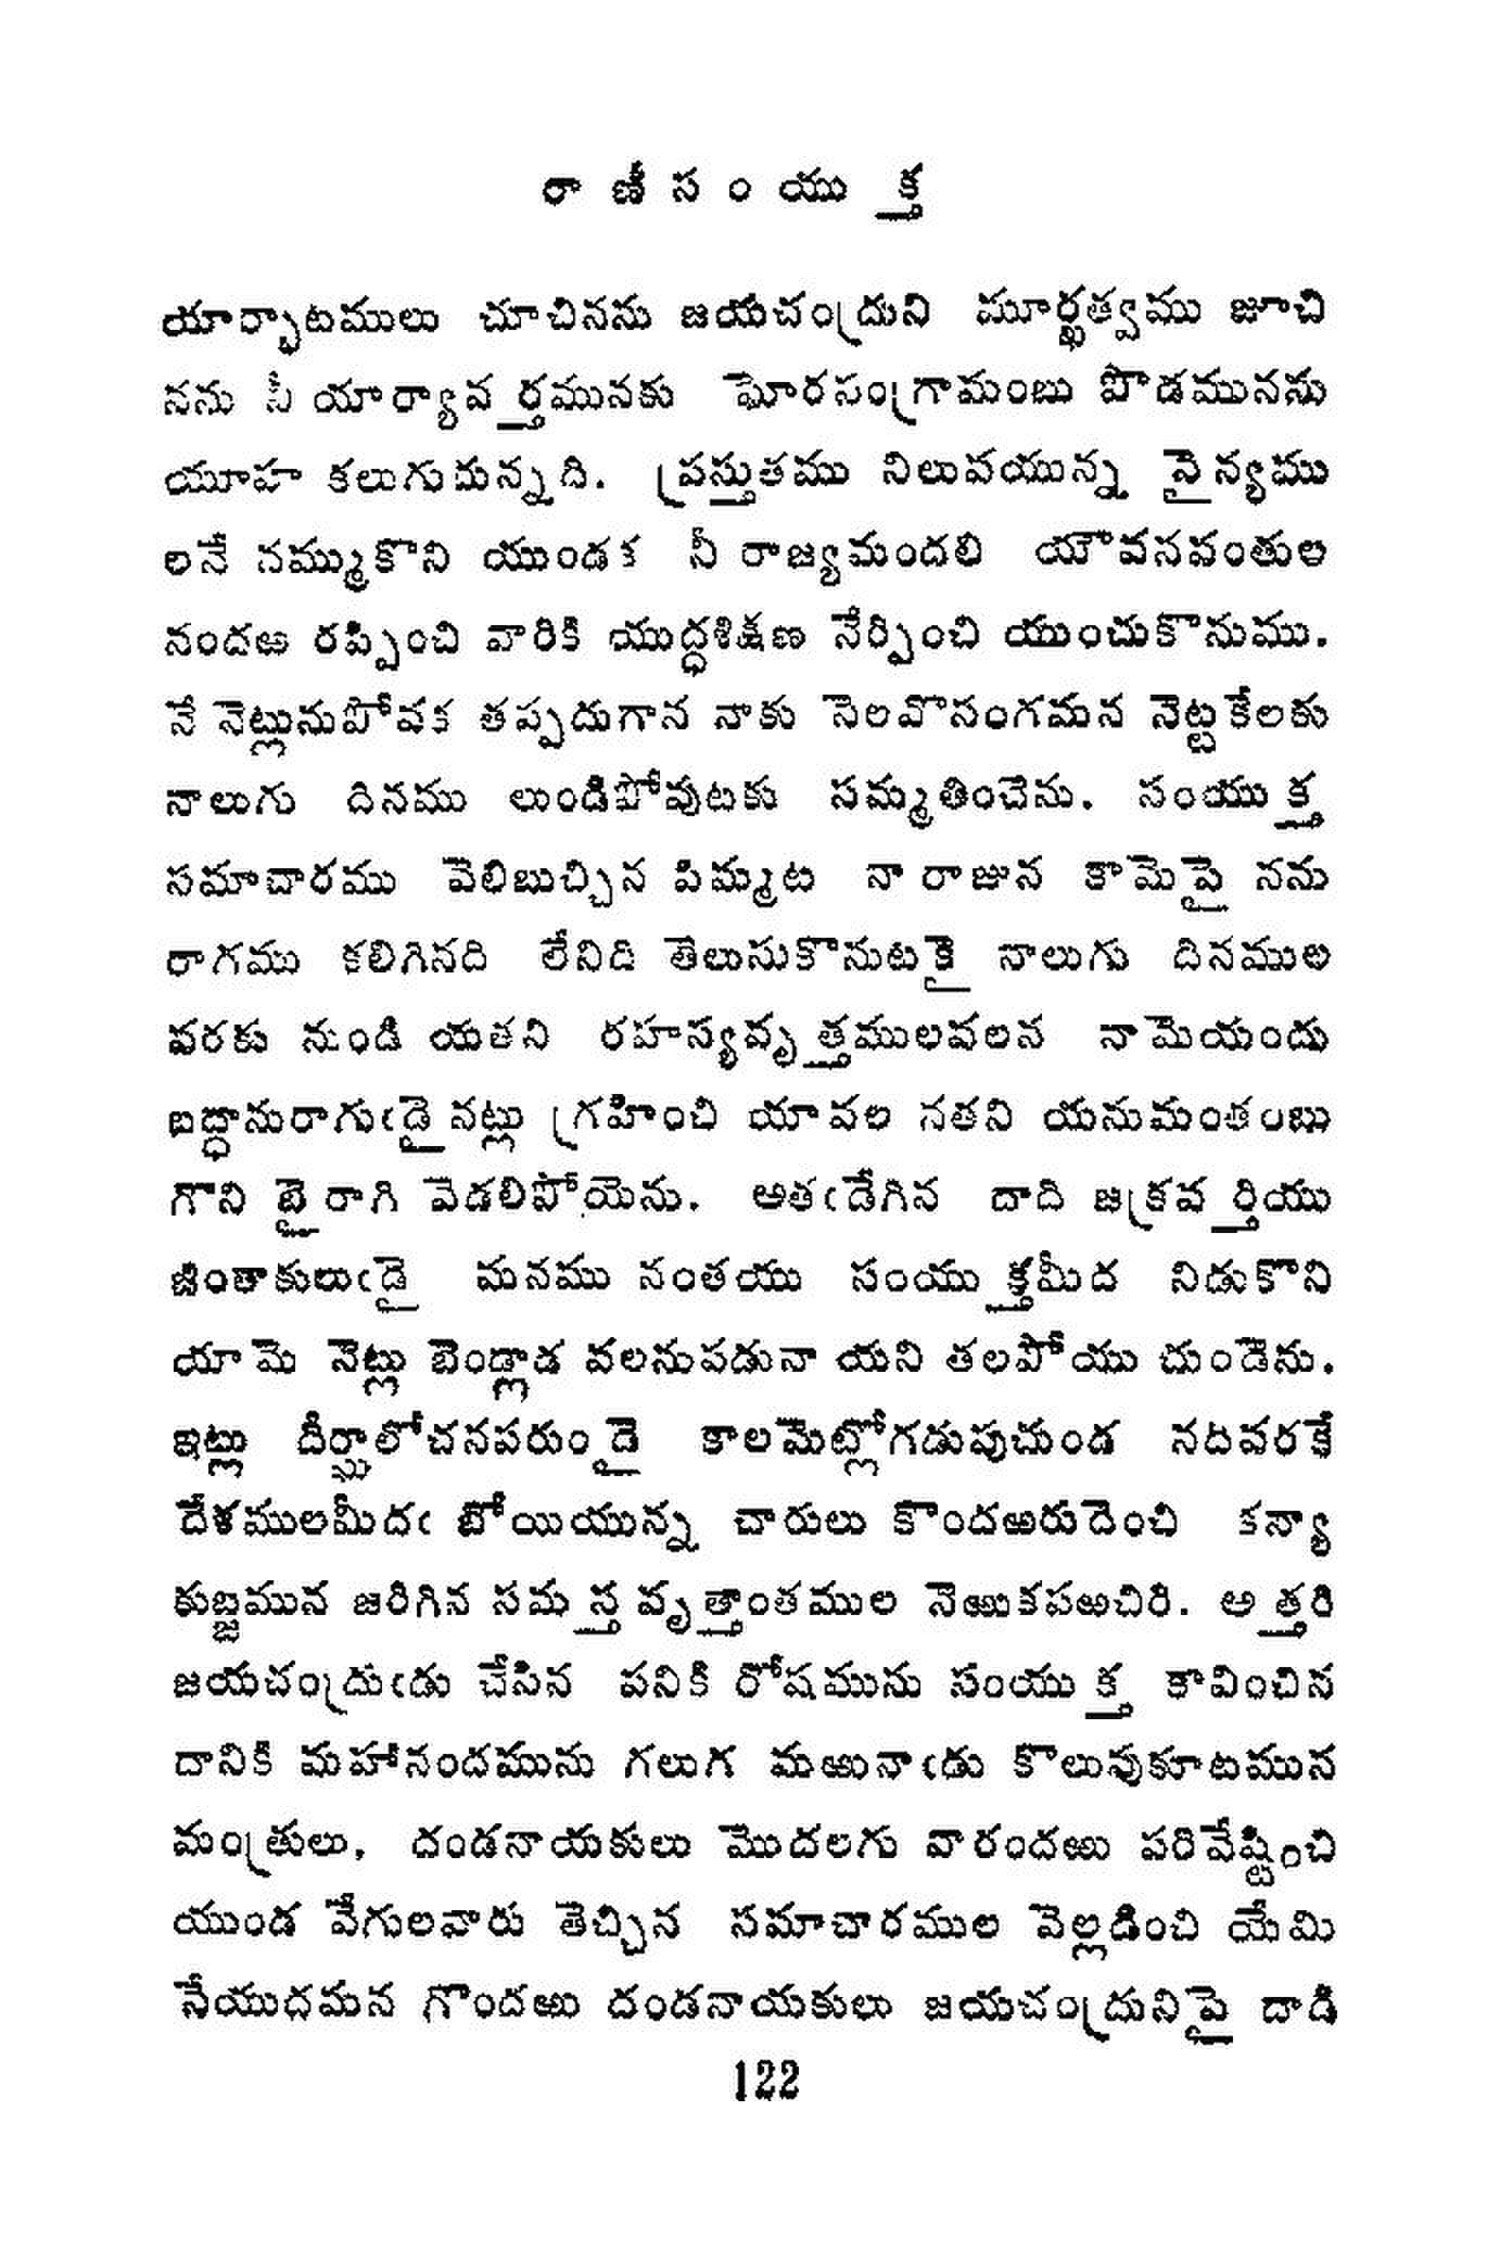యార్బాటములు చూచినను జయచంద్రుని మూర్ఖత్వము జూచినను నీ యార్యావర్తమునకు ఘోరసంగ్రామంబు పొడమునను యూహ కలుగుచున్నది. ప్రస్తుతము నిలువయున్న సైన్యములనే నమ్ముకొని యుండక నీ రాజ్యమందలి యౌవనవంతుల నందఱి రప్పించి వారికి యుద్ధశిక్షణ నేర్పించి యుంచుకొనుము. నే నెట్లునుపోవక తప్పదుగాన నాకు సెలవొసంగమన నెట్టకేలకు నాలుగు దినము లుండిపోవుటకు సమ్మతించెను. సంయుక్త సమాచారము వెలిబుచ్చిన పిమ్మట నా రాజున కామెపై ననురాగము కలిగినది లేనిది తెలుసుకొనుటకై నాలుగు దినముల వరకు నుండి యతని రహస్యవృత్తములవలన నామెయందు బద్దానురాగుఁడైనట్లు గ్రహించి యావల నతని యనుమంతంబు గొని బైరాగి వెడలిపోయెను. అతఁడేగిన దాది జక్రవర్తియు జింతాకులుఁడై మనము నంతయు సంయుక్తమీద నిడుకొని యామె నెట్లు బెండ్లాడ వలనుపడునా యని తలపోయు చుండెను. ఇట్లు దీర్ఘాలోచనపరుండై కాలమెట్లోగడుపుచుండ నదివరకే దేశములమీదఁ బోయియున్న చారులు కొందఱరుదెంచి కన్యాకుబ్జమున జరిగిన సమస్త వృత్తాంతముల నెఱుకపఱచిరి. అత్తరి జయచంద్రుఁడు చేసిన పనికి రోషమును సంయుక్త కావించిన దానికి మహానందమును గలుగ మఱునాఁడు కొలువుకూటమున మంత్రులు, దండనాయకులు మొదలగు వారందఱు పరివేష్టించి యుండ వేగులవారు తెచ్చిన సమాచారముల వెల్లడించి యేమి నేయుదమన గొందఱు దండనాయకులు జయచంద్రునిపై దాడి